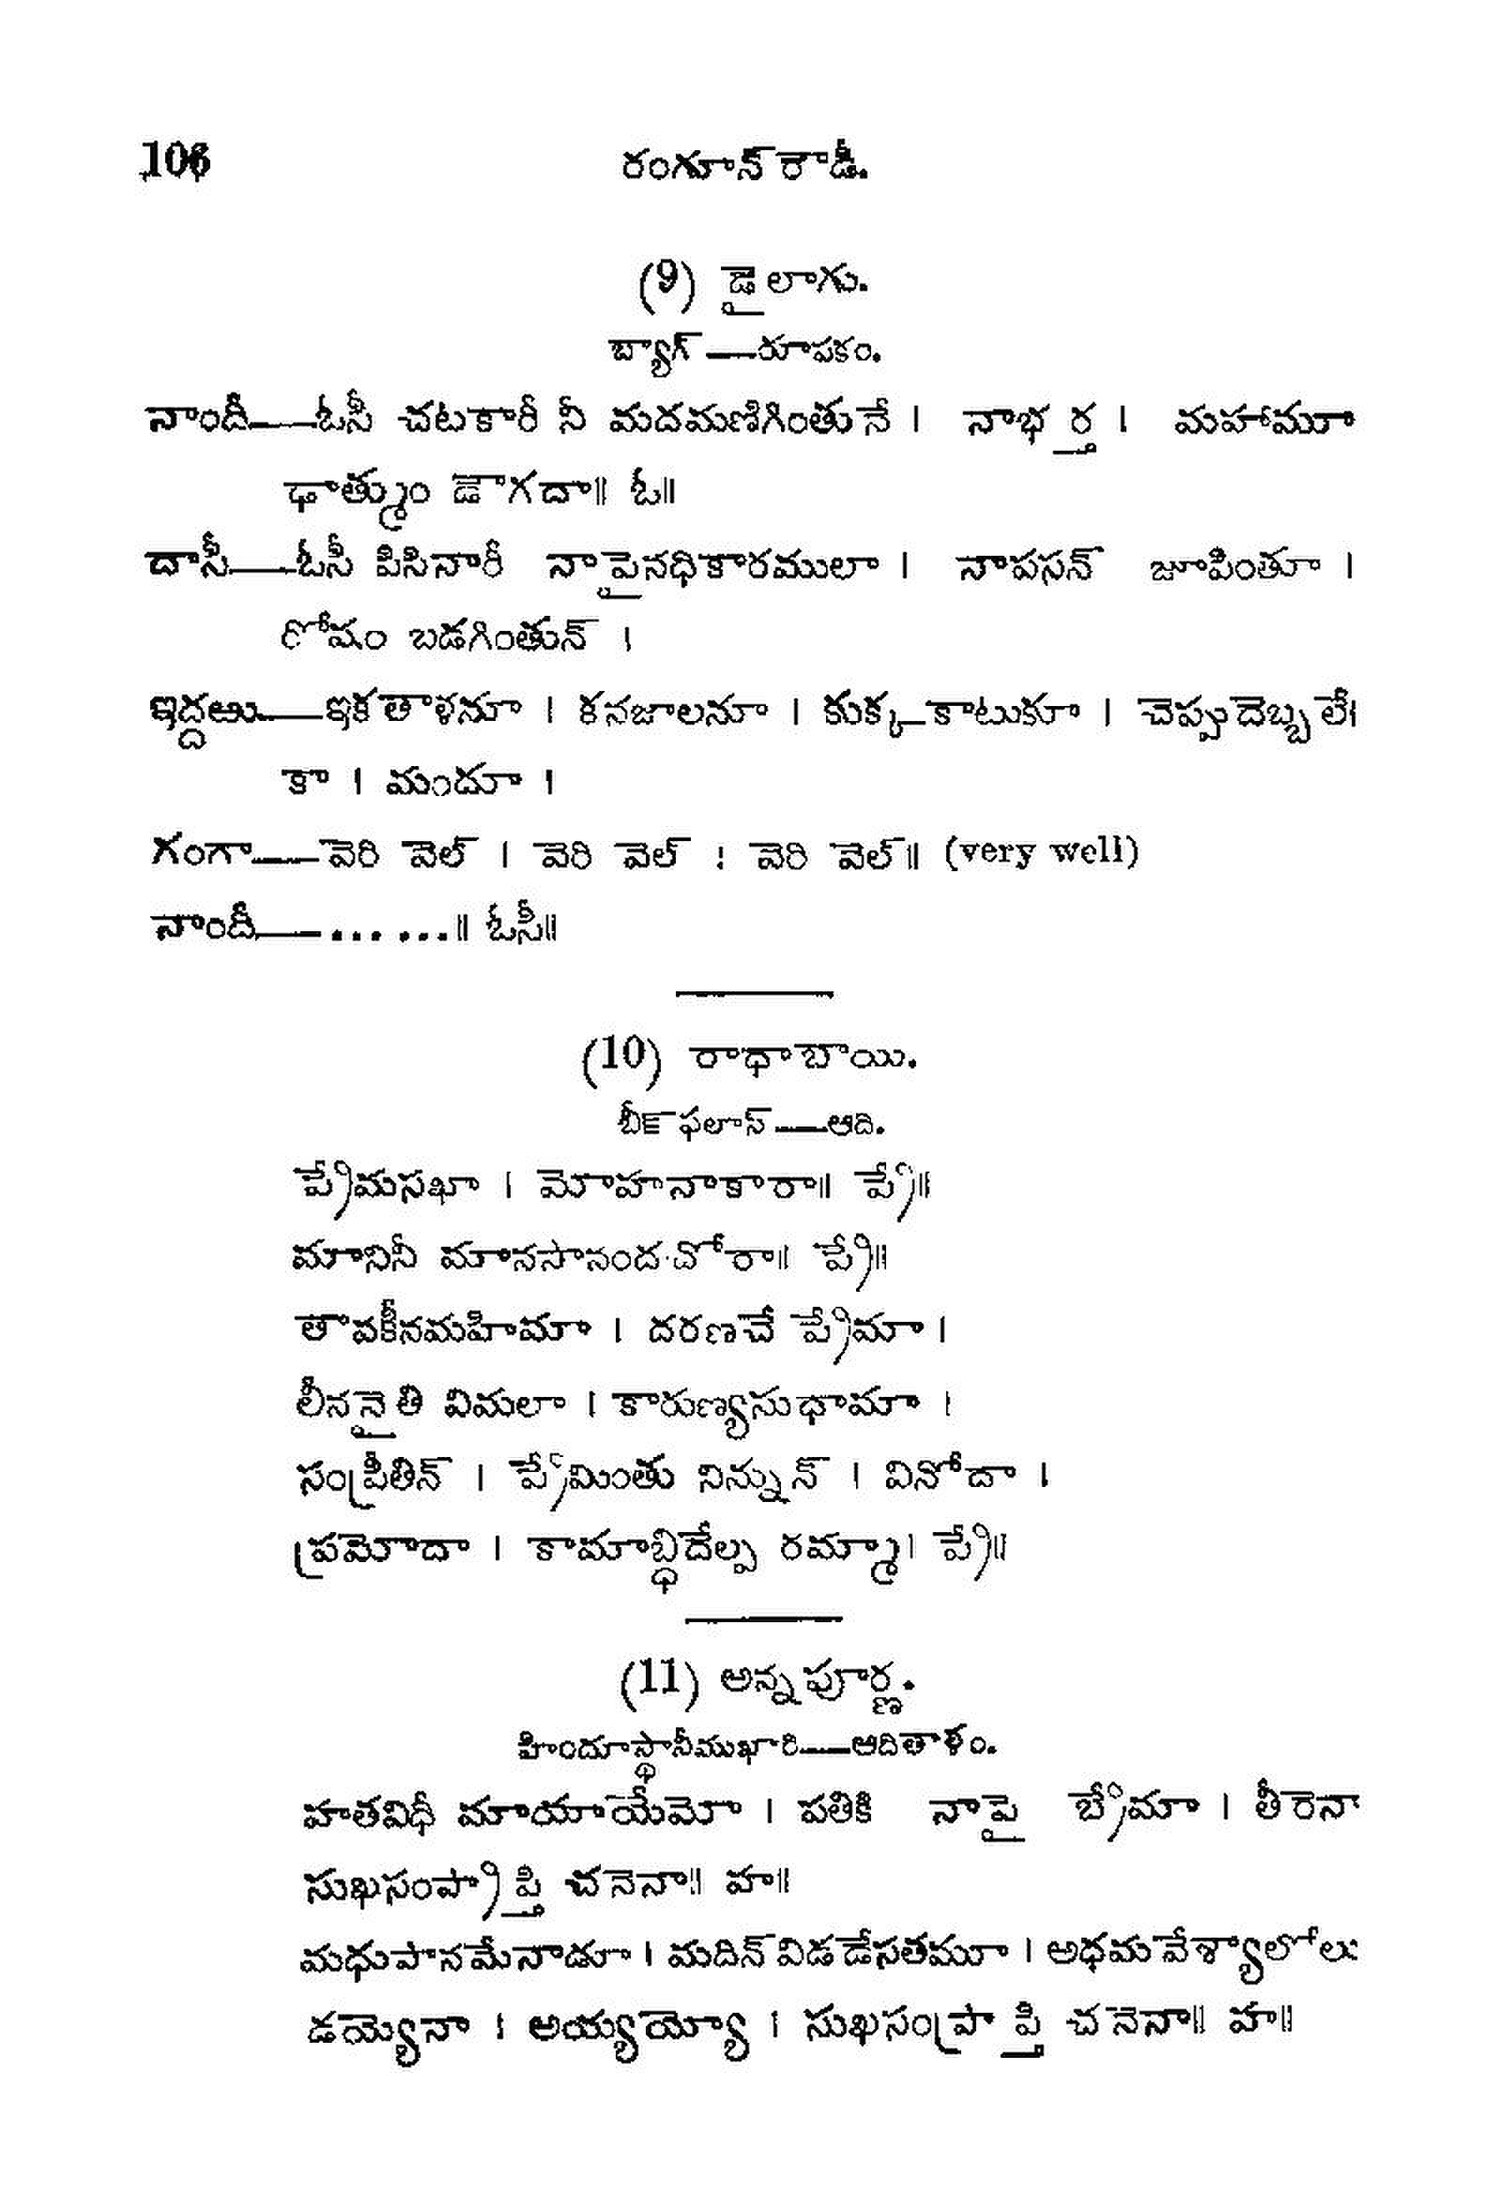నాందీ - ఓసీ చటకారీ నీ మదమణిగింతునే | నాభర్త | మహామూఢాత్ముం డౌగదా! ఓ!

దాసీ - ఓసీ పిసినారీ నాపైనధికారములా | నాపసన్ జూపింతూ! రోషం బడగింతున్ |

ఇద్దఱు - ఇకతాళనూ ! కనజాలనూ | కుక్క కాటుకూ | చెప్పుదెబ్బ లే! కా! మందూ!

గంగ - వెరి వెల్ | వెరి వెల్ ! వెరి వేల్ || (very well)

నాందీ - ... || ఓసీ||

ప్రేమసఖా | మోహనాకారా|| ప్రే!!
మానినీ మానసానందచోరా॥ ప్రే!!
తావకీనమహిమా | దరణచే ప్రేమా |
లీననైతి విమలా | కారుణ్యసుధామా !
సంప్రీతిన్ | ప్రేమింతు నిన్నున్ | వినోదా |
ప్రమోదా | కామాబ్ధిదేల్ప రమ్మా! ప్రే!!

హతవిధీ మాయాయేమో | పతికి నాపై బ్రేమా | తీరెనా
సుఖసంప్రాప్తి చనెనా!! హ!!
మధుపానమేనాడూ | మదిన్ విడడేసతమూ | అధమవేశ్యాలోలు
డయ్యెనా ! అయ్యయ్యో 1 సుఖసంప్రాప్తి చనెనా!! హ!!